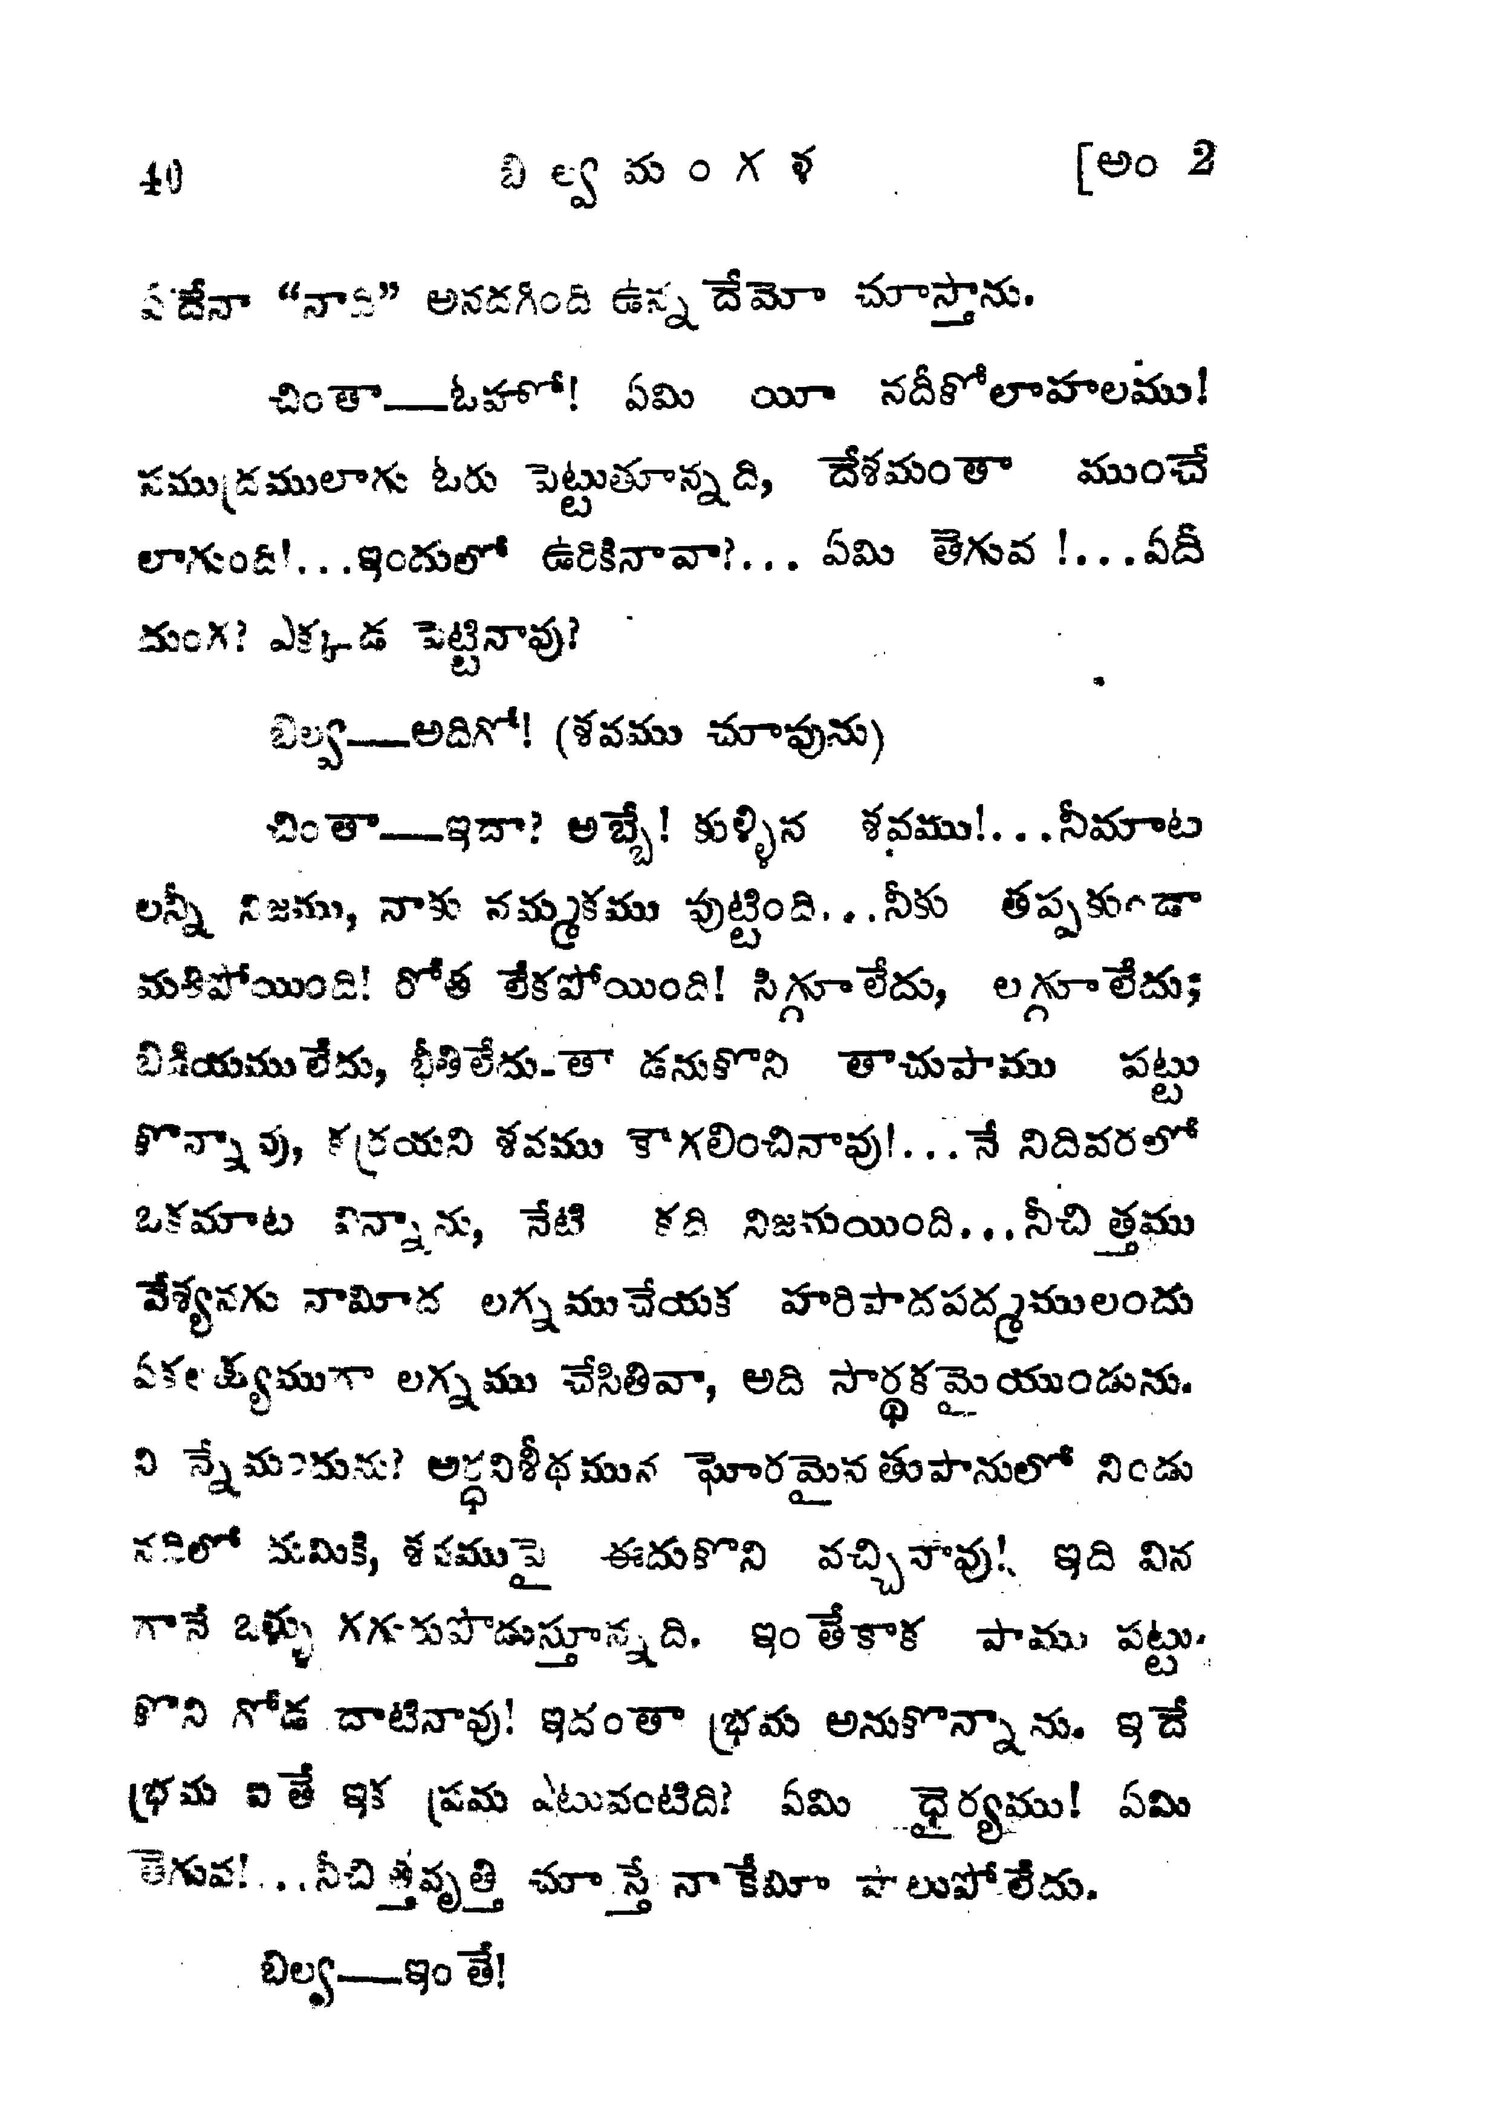ఏదేనా "నాది" అనదగింది ఉన్న దేమో చూస్తాను.

చింతా - ఓహో! ఏమి యీ నదీకోలాహలము! సముద్రములాగు ఓరు పెట్టుతూన్నది, దేశమంతా ముంచే లాగుంది!...ఇందులో ఉరికినావా?...ఏమి తెగువ!...ఏదీ దుంగ? ఎక్కడ పెట్టినావు?

బిల్వ - అదిగో! (శవము చూపును)

చింతా - ఇదా? అబ్బే! కుళ్ళిన శవము!...నీమాటలన్నీ నిజము, నాకు నమ్మకము పుట్టింది...నీకు తప్పకుండా మతిపోయింది! రోత లేకపోయింది! సిగ్గూలేదు, లగ్గూలేదు; బిడియములేదు, భీతిలేదు-తా డనుకొని తాచుపాము పట్టుకొన్నావు, కర్రయని శవము కౌగలించినావు!... నే నిదివరలో ఒకమాట విన్నాను, నేటి కది నిజమయింది... నీచిత్తము వేశ్యనగు నామీద లగ్నముచేయక హరిపాదపద్మములందు ఏకలక్ష్యముగా లగ్నము చేసితివా, అది సార్థకమైయుండును. ని న్నేమందును? అర్ధనిశీథమున ఘోరమైనతుపానులో నిండునదిలో దుమికి, శవముపై ఈదుకొని వచ్చినావు! ఇది వినగానే ఒళ్ళు గగురుపొడుస్తూన్నది. ఇంతేకాక పాము పట్టుకొని గోడ దాటినావు! ఇదంతా భ్రమ అనుకొన్నాను. ఇదే భ్రమ ఐతే ఇక ప్రమ ఎటువంటిది? ఏమి ధైర్యము! ఏమి తెగువ! ...నీచిత్తవృత్తి చూస్తే నాకేమీ పాలుపోలేదు.

బిల్వ - ఇంతే!